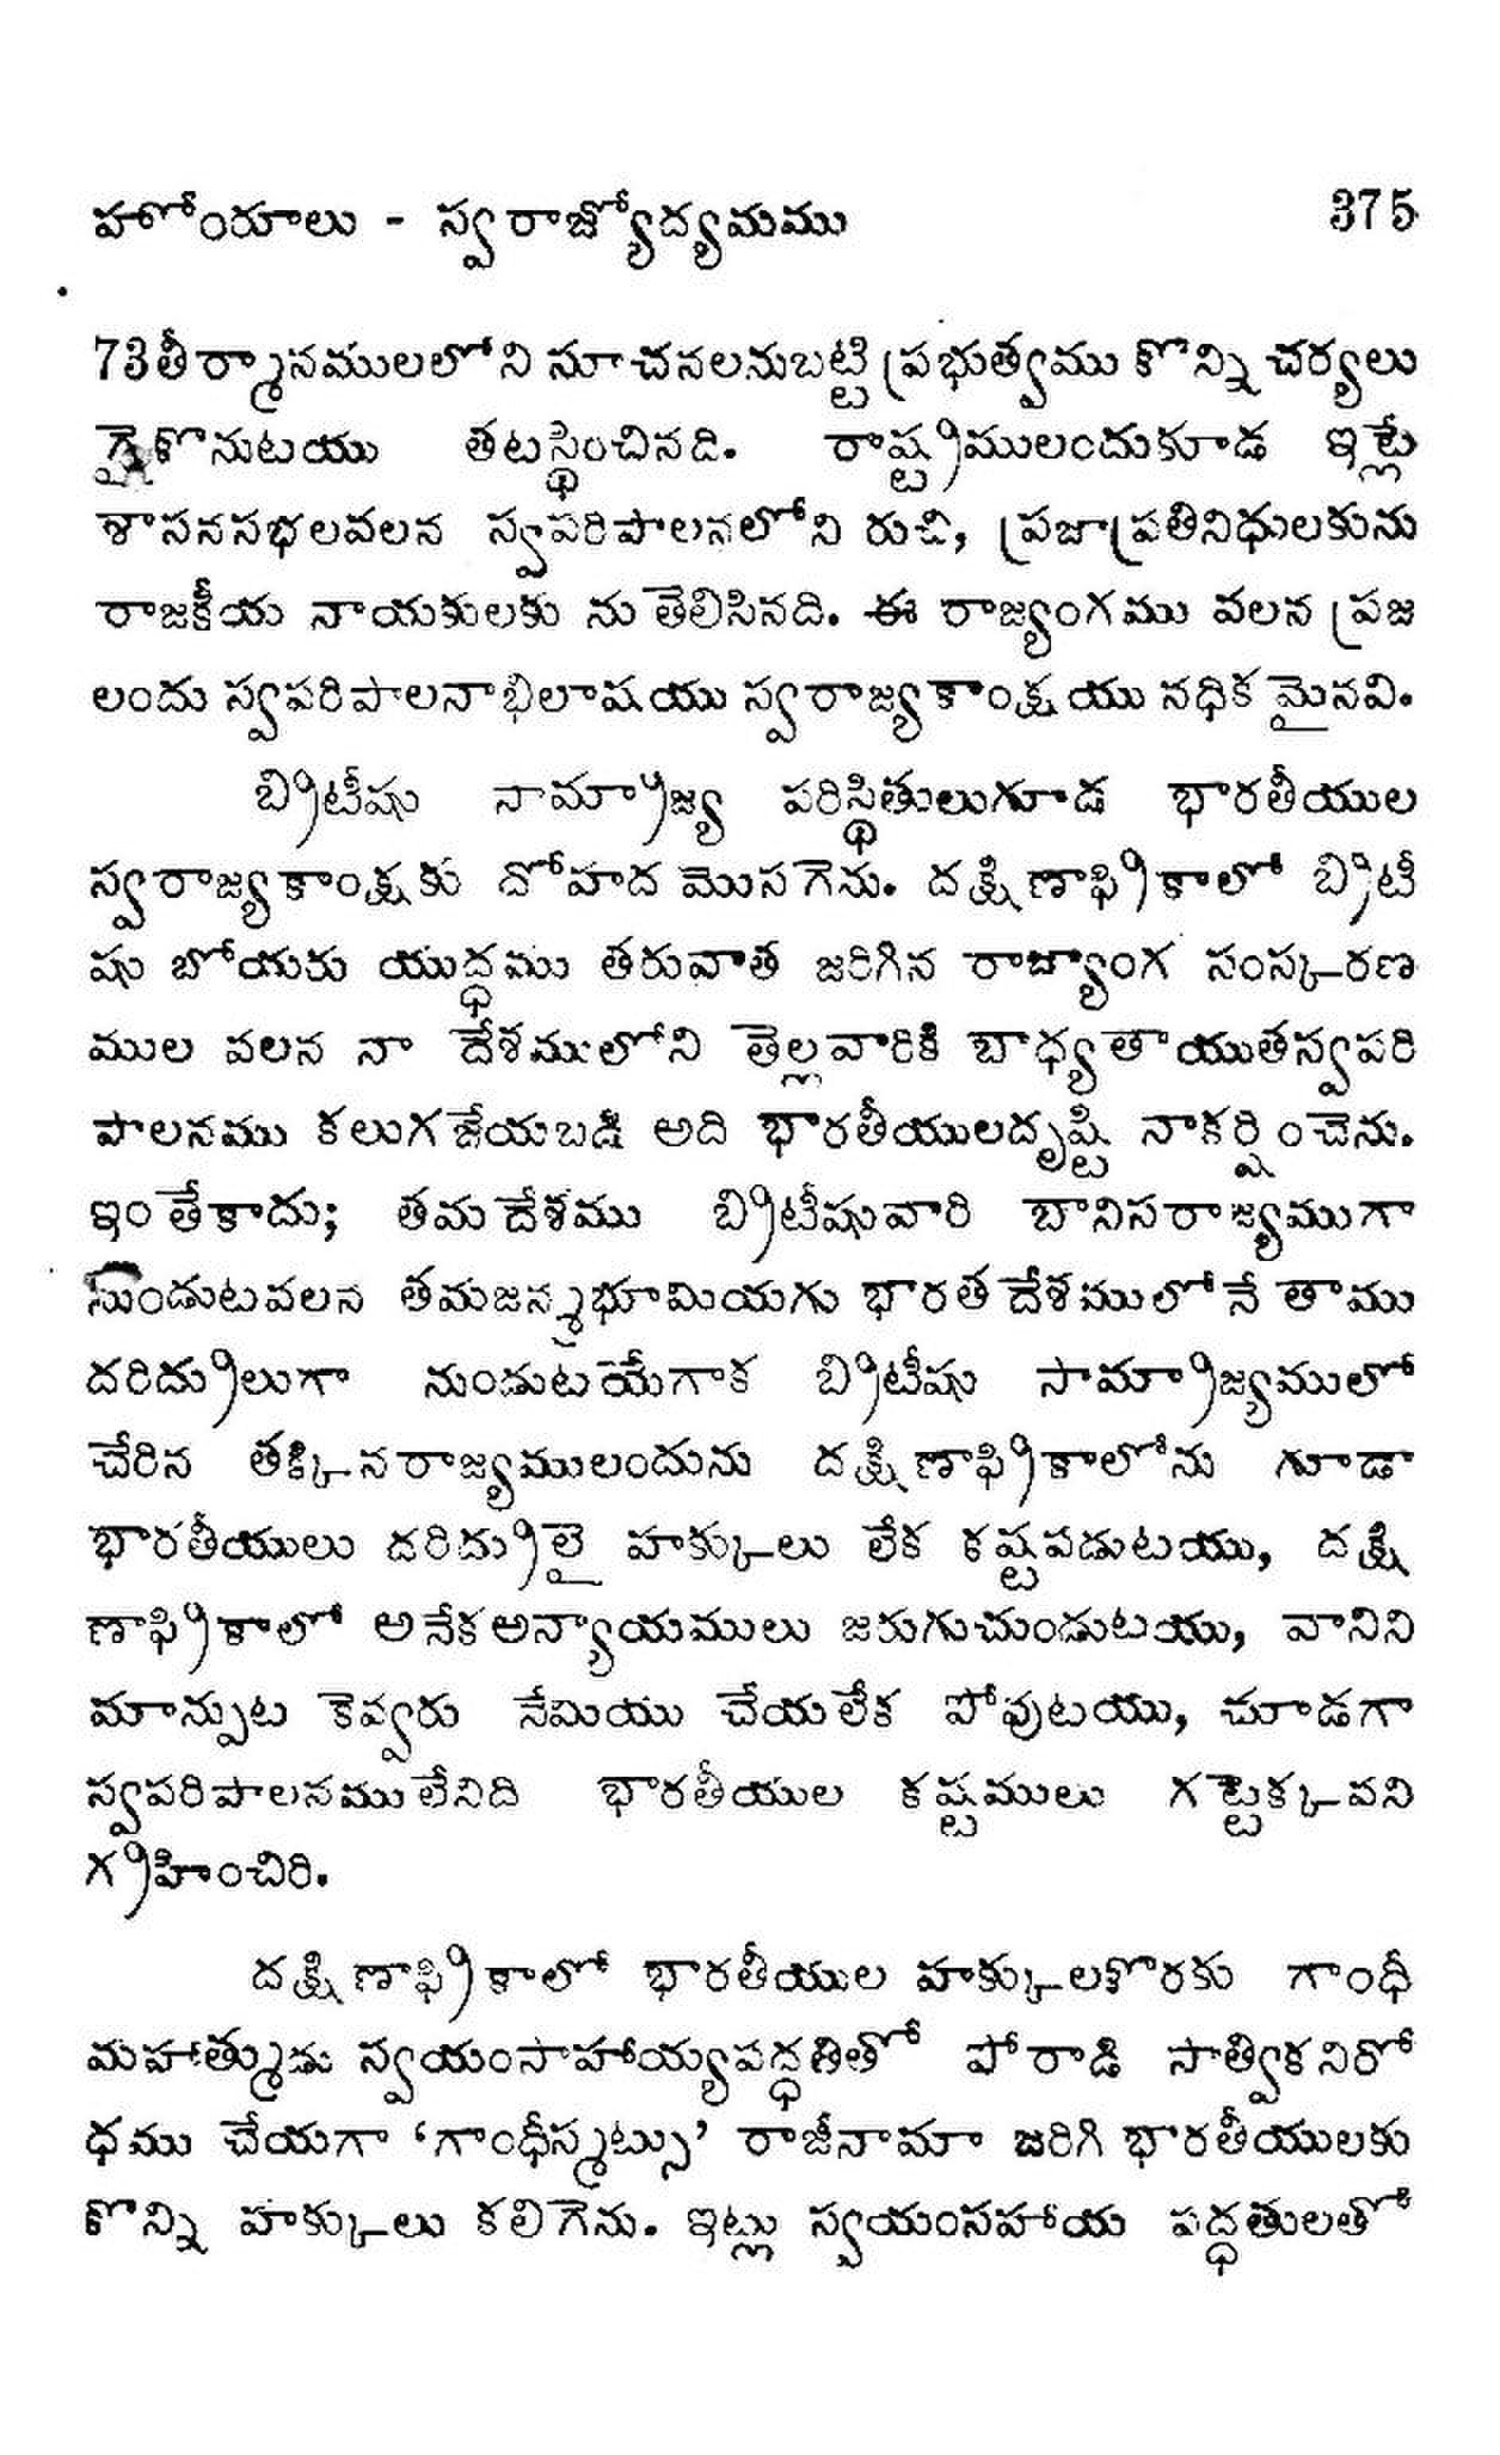73 తీర్మానములలోని సూచనలనుబట్టి ప్రభుత్వము కొన్ని చర్యలు గైకొనుటయు తటస్థించినది. రాష్ట్రములందుకూడ ఇట్లే శాసనసభలవలన స్వపరిపాలనలోని రుచి, ప్రజాప్రతినిధులకును రాజకీయ నాయకులకును తెలిసినది. ఈ రాజ్యంగము వలన ప్రజలందు స్వపరిపాలనాభిలాషయు స్వరాజ్యకాంక్షయు నధికమైనవి.

బ్రిటీషు సామ్రాజ్య పరిస్థితులుగూడ భారతీయుల స్వరాజ్యకాంక్షకు దోహద మొసగెను. దక్షిణాఫ్రికాలో బ్రిటీషు బోయరు యుద్ధము తరువాత జరిగిన రాజ్యాంగ సంస్కరణముల వలన నా దేశములోని తెల్లవారికి బాధ్యతాయుత స్వపరిపాలనము కలుగజేయబడి అది భారతీయులదృష్టి. నాకర్షించెను. ఇంతేకాదు; తమదేశము బ్రిటీషువారి బానిసరాజ్యముగా నుండుటవలన తమజన్మభూమియగు భారతదేశములోనే తాము దరిద్రులుగా నుండుటయేగాక బ్రిటీషు సామ్రాజ్యములో చేరిన తక్కిన రాజ్యములందును దక్షిణాఫ్రికాలోను గూడా భారతీయులు దరిద్రులై హక్కులు లేక కష్టపడుటయు, దక్షిణాఫ్రికాలో అనేకఅన్యాయములు జరుగుచుండుటయు, వానిని మాన్పుట కెవ్వరు నేమియు చేయలేక పోవుటయు, చూడగా స్వపరిపాలనములేనిది భారతీయుల కష్టములు గట్టెక్కవని గ్రహించిరి.

దక్షిణాఫ్రికాలో భారతీయుల హక్కులకొరకు గాంధీమహాత్ముడు స్వయంసాహాయ్యపద్దతితో పోరాడి సాత్విక నిరోధము చేయగా 'గాంధీస్మట్సు' రాజీనామా జరిగి భారతీయులకు కొన్ని హక్కులు కలిగెను. ఇట్లు స్వయంసహాయ పద్ధతులతో